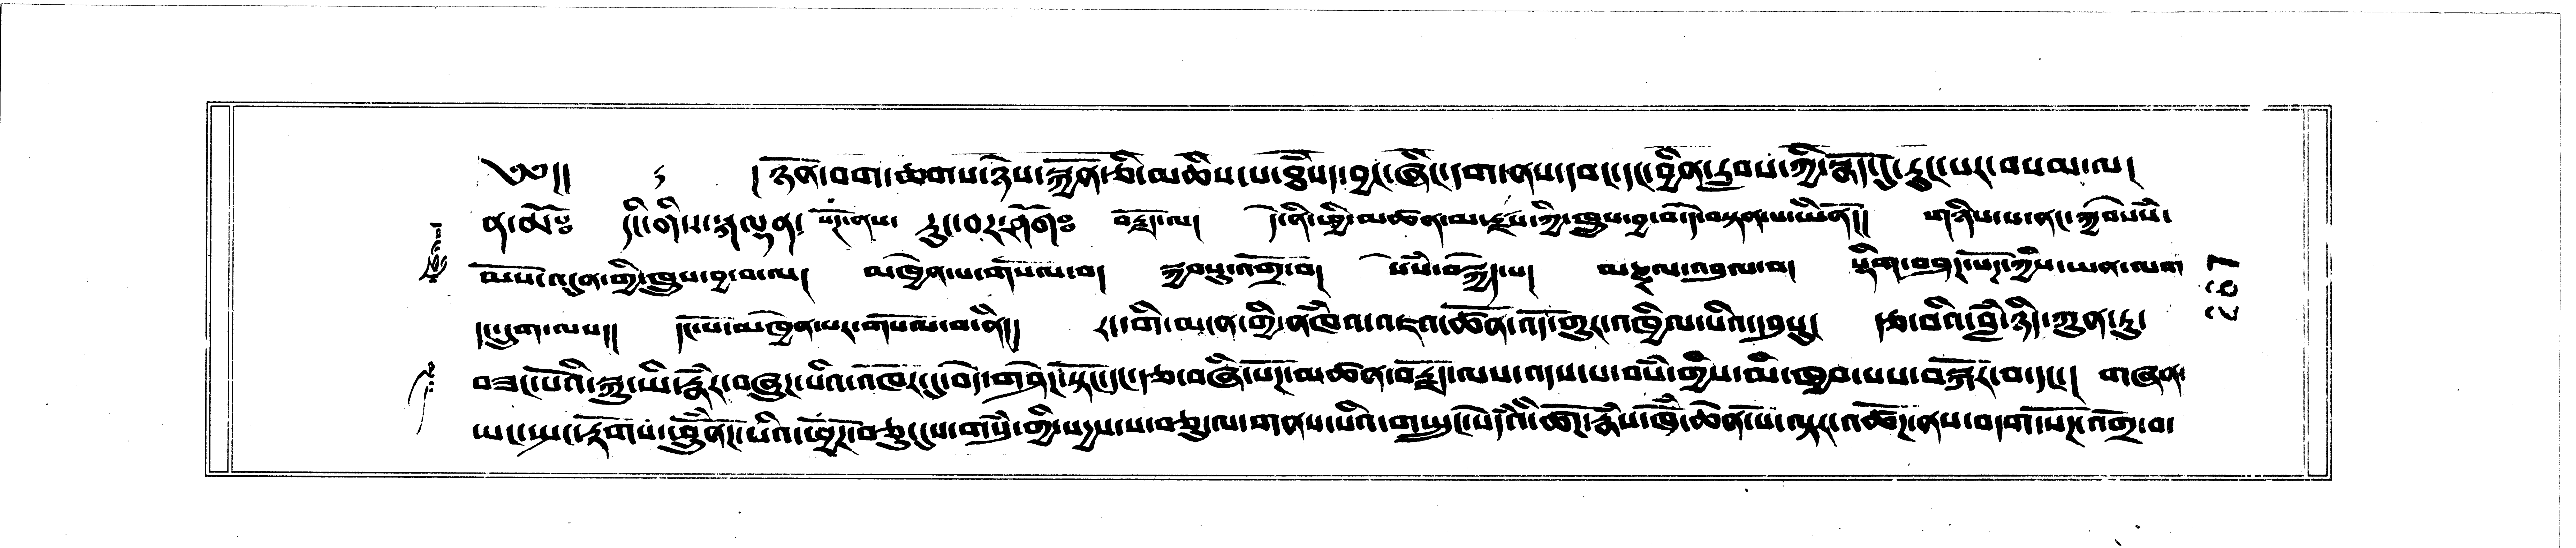ཉོན་བག་ཆགས་ཉེས་སྐྱོན་ཅི་མཆིས་པ་ཐམས་ཅད་བྱང་ཞིང་དག་ནས་དབང་དང་བྱིན་རླབས་ཀྱི་སྣོད་དུ་རུང་བར་བསམ་ལ། 
ན་མོ། དེང་གི་སྐལ་ལྡན། སོགས་ནས། རུང་བར་ཤོག བརྗོད་ལ། དེ་ནི་ཕྱི་མཚན་མ་རྫས་ཀྱི་ཁྲུས་བྱ་བ་དེ་བསྟན་པ་ཡིན་ནོ། གཉིས་པ་ནང་སྐྱབས་སེམས་
མོས་འདུན་གྱི་ཁྲུས་བྱ་བ་ལ། མཁྱེན་པ་གསོལ་བ། སྐྱབས་སུ་འགྲོ་བ། སེམས་བསྐྱེད་པ། མཎྚལ་འབུལ་བ། སྡིག་བཤགས་སོགས་ཀྱི་ཡན་ལག་དང་དྲུག་ལས། 
དང་པོ་མཁྱེན་པ་གསོལ་བ་ནི། རང་གི་མདུན་གྱི་ནམ་མཁའ་འཇའ་ཚོན་འོད་གུར་འཁྱིལ་བའི་དབུས་སུ། རྩ་བའི་བླ་མ་དེ་ཉིད་ཀུན་ཏུ་
བཟང་པོའི་སྐུ་ཡི་རྣམ་པར་བཞུགས་པའི་འཁོར་དུ་བདེར་གཤེགས་སྟོང་དང་རྩ་བཞི་སོགས་མཚན་བརྗོད་ལས་འདས་པ་བསམ་གྱིས་མི་ཁྱབ་པས་བསྐོར་བ་དང་། གཞན་
ཡང་སྤང་རྟོགས་ཕུན་སུམ་ཚོགས་པའི་ཕྱོགས་བཅུ་དུས་གསུམ་གྱི་སངས་རྒྱས་ས་བཅུ་ལ་གནས་པའི་གཡུང་དྲུང་སེམས་དཔའི་ཚོགས་རྣམས་ཁྲོམས་ཆེན་པོ་ལྟར་འཚོགས་ནས་བདག་སོགས་འགྲོ་བ་